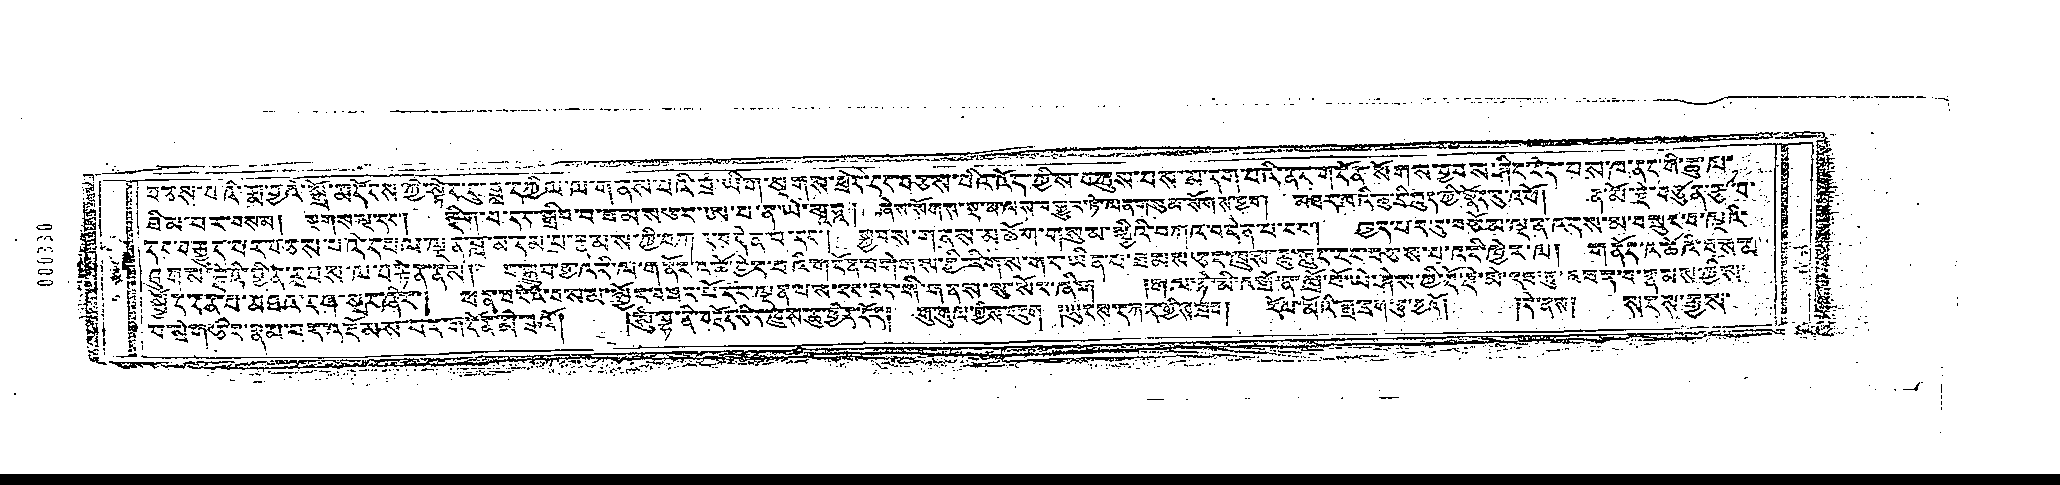བཅས་པའི་རྨ་བྱའི་སྒྲོ་མདོངས་ཀྱི་སྟེང་དུ་ཟླ་དཀྱིལ་ལ་གནས་པའི་པྲཾ་ཡིག་སྔགས་ཕྲེང་དང་བཅས་པའི་འོད་ཀྱིས་བཀྲུས་པས་མ་དག་པའི་ནང་གདོན་སོགས་བྱབས་ཤིང་དེད་པས་ཁ་ནང་གི་ཆུ་ལ་
ཐིམ་པར་བསམ། སྔགས་ལྔ་དང་། སྡིག་པ་དང་སྒྲིབ་པ་ཐམས་ཅད་ཨ་པ་ན་ཡེ་སྭཱ་ཧཱ། ཞེས་སོགས་སྔ་མ་ལས་བསྒྱུར་ཏེ་ལན་གསུམ་སོགས་བྱ་བ། མཐར་ཁའི་ཆུ་དྲི་གླུད་ཀྱི་སྣོད་དུ་འཕོ། ན་མོ་རྗེ་བཙུན་རྩ་བ་
དང་བརྒྱུད་པར་བཅས་པའི་དཔལ་ལྡན་བླ་མ་དམ་པ་རྣམས་ཀྱི་བཀའ་བདེན་པ་དང་། སྐྱབས་གནས་མཆོག་གསུམ་སྤྱིའི་བཀའ་བདེན་པ་དང་། ཁྱད་པར་དུ་བཅོམ་ལྡན་འདས་མ་བསྲུང་བ་ལྔའི་
ཐུགས་རྗེའི་བྱིན་རླབས་ལ་བརྟེན་ནས། བསྒྲུབ་བྱ་འདི་ལ་གནོད་འཚེ་བྱེད་པའི་གདོན་བགེགས་ཀྱི་རིགས་གང་ཡིན་པ་ཐམས་ཅད་ཁྲུས་ཆུ་གླུང་དང་བཅས་པ་འདི་ཁྱེར་ལ། གནོད་འཚེའི་བསམ་
སྦྱོར་ངན་པ་མཐའ་དག་སྤང་ཞིང་། ཕན་བདེའི་བསམ་སྦྱོར་བཟང་པོ་དང་ལྡན་པས་རང་རང་གི་གནས་སུ་སོང་ཞིག །གལ་ཏེ་མི་འགྲོ་ན་ཁྲོ་བོ་ཡེ་ཤེས་ཀྱི་རྡོ་རྗེ་མེ་རབ་ཏུ་འབར་བ་རྣམས་ཀྱིས་
བསྲེག་ཅིང་རྣམ་པར་འཇོམས་པར་གདོན་མི་ཟའོ། །སུཾ་བྷ་ནི་བརྗོད་ཅིང་ཁྲུས་ཆུ་ཕྱིར་དོར། གུ་གུལ་གྱིས་བདུག །ཡུངས་དཀར་གྱིས་བྲབ། རོལ་མོའི་སྒྲ་དྲག་ཏུ་བྱའོ། །དེ་ནས། སངས་རྒྱས་